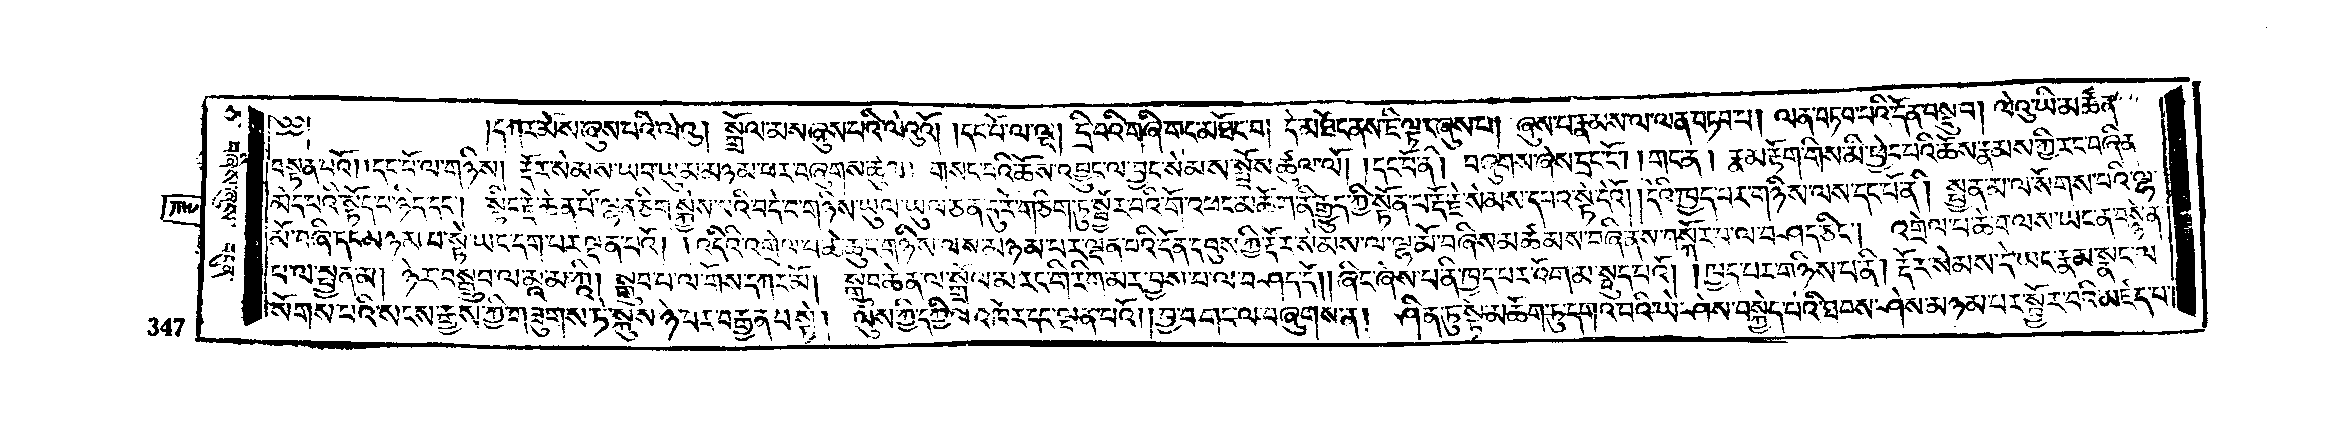༄༅། །དཀར་མོས་ཞུས་པའི་ལེའུ། སྒྲོལ་མས་ཞུས་པའི་ལེའུའོ། །དང་པོ་ལ་ལྔ། དྲི་བའི་གཞི་གང་མཐོང་བ། དེ་མཐོང་ནས་ཇི་ལྟར་ཞུས་པ། ཞུས་པ་རྣམས་ལ་ལན་བཏབ་པ། ལན་བཏབ་པའི་དོན་བསྡུ་བ། ལེའུ་ཡི་མཚན་
བསྟན་པའོ། །དང་པོ་ལ་གཉིས། རྡོར་སེམས་ཡབ་ཡུམ་མཉམ་པར་བཞུགས་ཚུལ། གསང་བའི་ཆོས་འབྱུང་ལ་བྱང་སེམས་སྤྲོས་ཚུལ་ལོ། །དང་པོ་ནི། བཞུགས་ཞེས་དྲང་ངོ། །གང་ན། རྣམ་རྟོག་གིས་མི་ཕྱེད་པའི་ཆོས་རྣམས་ཀྱི་རང་བཞིན་
མེད་པའི་སྟོང་པ་ཉིད་དང་། སྙིང་རྗེ་ཆེན་པོ་ལྷན་ཅིག་སྐྱེས་པའི་བདེ་བ་གཉིས་ཡུལ་ཡུལ་ཅན་དུ་རོ་གཅིག་ཏུ་སྦྱོར་བའི་གོ་འཕང་མཆོག་ནི་རྒྱུད་ཀྱི་སྟོན་པ་རྡོ་རྗེ་སེམས་དཔའ་སྟེ་དེའོ། །དེའི་ཁྱད་པར་གཉིས་ལས་དང་པོ་ནི། སྤྱན་མ་ལ་སོགས་པའི་ལྷ་
མོ་བཞི་དང་མཉམ་པ་སྟེ་ཡང་དག་པར་ལྡན་པའོ། །འདིའི་འགྲེལ་པ་ཆེ་ཆུང་གཉིས་ལས་མཉམ་པར་ལྡན་པའི་དོན་དབུས་ཀྱི་རྡོར་སེམས་ལ་ལྷ་མོ་བཞིས་མཚམས་བཞི་ནས་བསྐོར་བ་ལ་བཤད་ཅིང་། འགྲེལ་པ་ཆེ་བ་ལས་ཡང་ན་བསྙེན་
པ་ལ་སྤྱན་མ། ཉེར་བསྒྲུབ་ལ་མཱ་མ་ཀཱི། སྒྲུབ་པ་ལ་གོས་དཀར་མོ། སྒྲུབ་ཆེན་ལ་སྒྲོལ་མ་རང་གི་རིག་མར་བྱས་པ་ལ་བཤད་དོ། །ཞིང་ཞེས་པ་ནི་ཁྱད་པར་འོག་མ་སྡུད་པའོ། །ཁྱད་པར་གཉིས་པ་ནི། རྡོར་སེམས་དེ་ཡང་རྣམ་སྣང་ལ་
སོགས་པའི་སངས་རྒྱས་ཀྱི་གཟུགས་ཏེ་སྐུས་ཉེ་བར་བརྒྱན་པ་སྟེ། ལུས་ཀྱི་དཀྱིལ་འཁོར་དང་ལྡན་པའོ། །བྱ་བ་གང་ལ་བཞུགས་ན། ཤིན་ཏུ་སྟེ་མཆོག་ཏུ་དགའ་བའི་ཡེ་ཤེས་བསྐྱེད་པའི་ཐབས་ཤེས་མཉམ་པར་སྦྱོར་བའི་མཛད་པ་